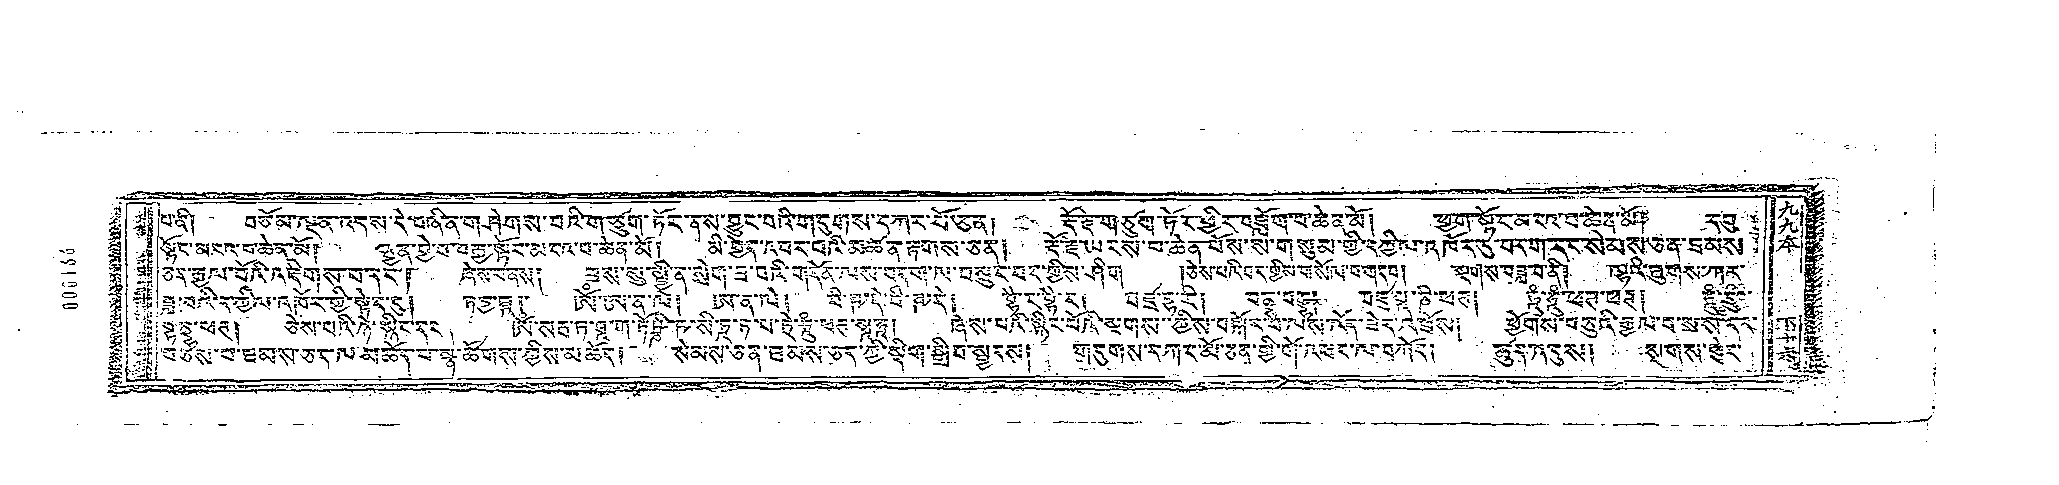པ་ནི། བཅོམ་ལྡན་འདས་དེ་བཞིན་གཤེགས་པའི་གཙུག་ཏོར་ནས་བྱུང་བའི་གདུགས་དཀར་པོ་ཅན། རྡོ་རྗེ་གཙུག་ཏོར་ཕྱིར་བཟློག་པ་ཆེན་མོ། ཕྱག་སྟོང་མངའ་བ་ཆེན་མོ། དབུ་
སྟོང་མངའ་བ་ཆེན་མོ། སྤྱན་བྱེ་བ་བརྒྱ་སྟོང་མངའ་བ་ཆེན་མོ། མི་ཕྱེད་འབར་བའི་མཚན་རྟགས་ཅན། རྡོ་རྗེ་ཡངས་པ་ཆེན་པོས་ས་གསུམ་གྱི་དཀྱིལ་འཁོར་དུ་བདག་དང་སེམས་ཅན་ཐམས་
ཅད་རྒྱལ་པོའི་འཇིགས་པ་དང་། ཞེས་པ་ནས། ཟས་སུ་སྦྱིན་སྲེག་ཟ་བའི་གདོན་ལས་བདག་ལ་བསྲུང་བར་གྱིས་ཤིག །ཅེས་པའི་བར་གྱིས་གསོལ་བ་གདབ། སྔགས་བཟླ་བ་ནི། ལྷའི་ཐུགས་ཀར་
ཟླ་བའི་དཀྱིལ་འཁོར་གྱི་སྟེང་དུ། ཏ་དྱ་ཐཱ། ཨོཾ་ཨ་ན་ལེ། ཨ་ན་ལེ། བི་ཥ་དེ་བི་ཥ་དེ། བྷཻ་ར་བྷཻ་ར། བཛྲ་དྷ་རི། བནྡྷ་བནྡྷ། བཛྲ་པཱ་ཎི་ཕཊ། ཧཱུཾ་ཧཱུཾ་ཕཊ་ཕཊ། ཧཱུཾ་དྲུཾ་
བྷནྡྷ་ཕཊ། ཅེས་པའི་ཉེ་སྙིང་དང་། ཨོཾ་སརྦ་ཏ་ཐཱ་ག་ཏོཥྞི་ཥ་སི་ཏཱ་ཏ་པ་ཏྲེ་ཧཱུཾ་ཕཊ་སྭཱ་ཧཱ། ཞེས་པའི་སྙིང་པོའི་སྔགས་ཀྱིས་བསྐོར་བ་ལས་འོད་ཟེར་འཕྲོས། ཕྱོགས་བཅུའི་རྒྱལ་བ་སྲས་དང་
བཅས་པ་ཐམས་ཅད་ལ་མཆོད་པ་སྣ་ཚོགས་ཀྱིས་མཆོད། སེམས་ཅན་ཐམས་ཅད་ཀྱི་སྡིག་སྒྲིབ་སྦྱངས། གདུགས་དཀར་མོ་ཅན་གྱི་གོ་འཕང་ལ་བཀོད། ཚུར་འདུས། སྔགས་ཕྲེང་